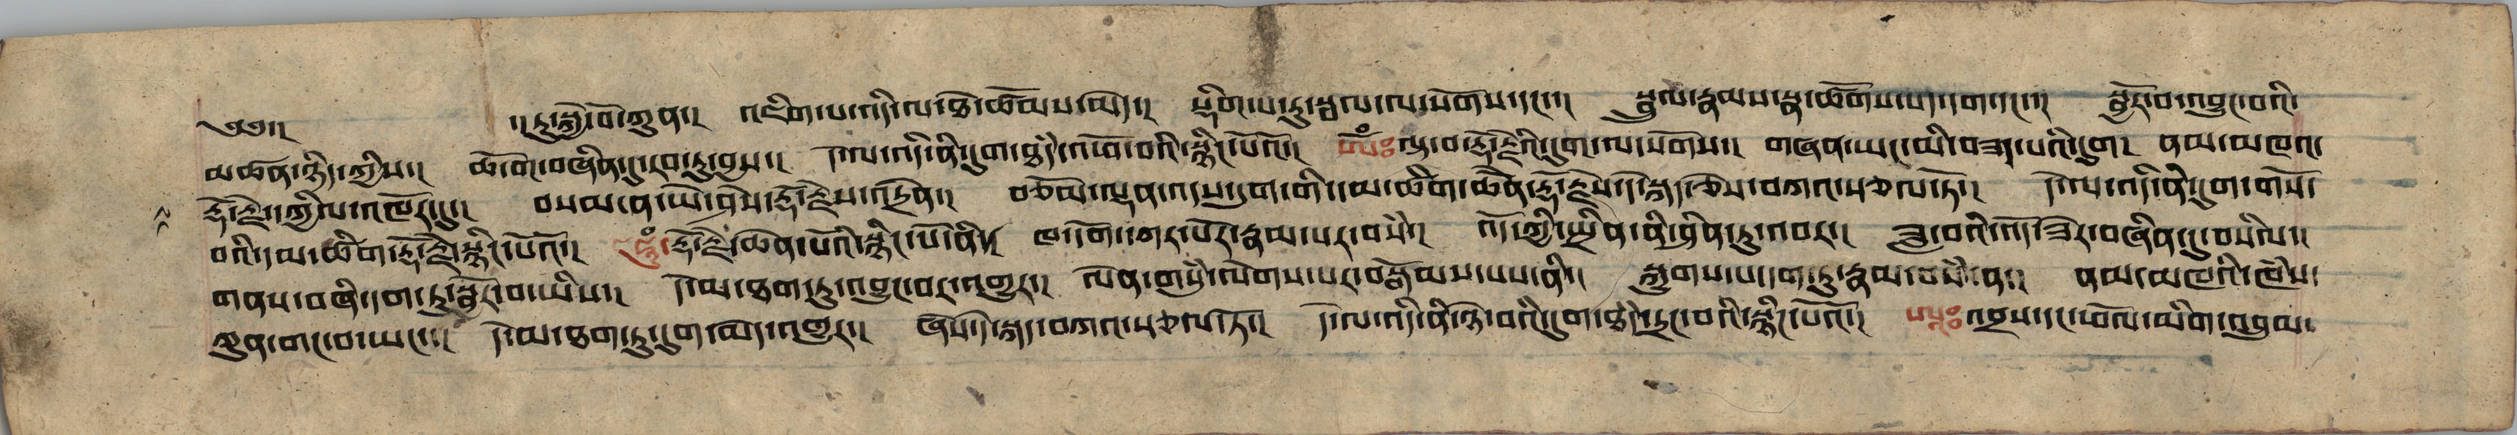༄༅་། ་།ཏུ་སྐྱེ་བོ་ཀུན་། འཇིག་པ་འདི་ལ་ཐེ་ཚོམས་མེད་། སྡིག་པ་རུ་སྦལ་ལ་སོགས་དང་་། སྦྲུལ་རྣམས་སྣ་ཚོགས་སད་དག་དང་་། སྦྱོར་བ་འབྱུང་བའི་
མཚན་ཉིད་ཀྱིས་། ཆོ་ག་བཞིན་དུ་རབ་ཏུ་བྱས་། དེ་ལ་འདི་ནི་དུག་ཐཾད་འཕོ་བའི་སྙིང་པོའོ་། ཨོཾ་ལྟ་བ་རྡོ་རྗེའི་དུག་ལ་སོགས་། གཞན་ཡང་མི་བཟད་པའི་དུག། ནམ་མཁའ་
རྡོ་རྗེ་དཀྱིལ་འཁོར་དུ་། བསམ་ན་ཡེ་ཤེས་རྡོ་རྗེས་འདྲེན་། བཅོམ་ལྡན་འདས་དུག་གི་དམ་ཚིག་ཆེནོ་རྡོ་རྗེས་དེ་སྐད་ཅེས་བཀའ་སྩལ་ཏོ་། དེ་ལ་འདི་ནི་དུག་གསོ་
བའི་དམ་ཚིག་རྡོ་རྗེ་སྙིང་པོའོ་། ཧཱུཾ་རྡོ་རྗེ་ཆེན་པོའི་སྙིང་པོ་ནི་། ཁ་དོག་དཀར་པོར་རྣམ་པར་བསཾ་། འོད་ཀྱི་སྤྲིན་ནི་ཤིན་ཏུ་འབར་། ཟླ་བའི་འོད་ཟེར་བཞིན་དུ་བསིལ་།
གནས་བཞི་དག་ཏུ་སྦྱོར་བ་ཡིས་། དེ་མ་ཐག་ཏུ་འབྱུང་བར་འགྱུར་། ལེན་གསུཾ་ལེགས་པར་བསྒོམས་པས་ནི་། སྐུགས་པ་དག་ཏུ་རྣམ་བསཾ་ན་། ནམ་མཁའི་ཁཾས་
ཀུན་གང་བ་ཡང་་། དེ་མ་ཐག་ཏུ་དུག་མེད་འགྱུར་། ཞེས་དེ་སྐད་བཀའ་སྩལ་ཏོ་། དེ་ལ་འདི་ནི་ཉེ་བའི་དུག་ཐཾད་དྲང་བའི་སྙིང་པོའོ་། ཨཱཿའབྲས་དང་ཕོལ་མིག་འབྲུམ་